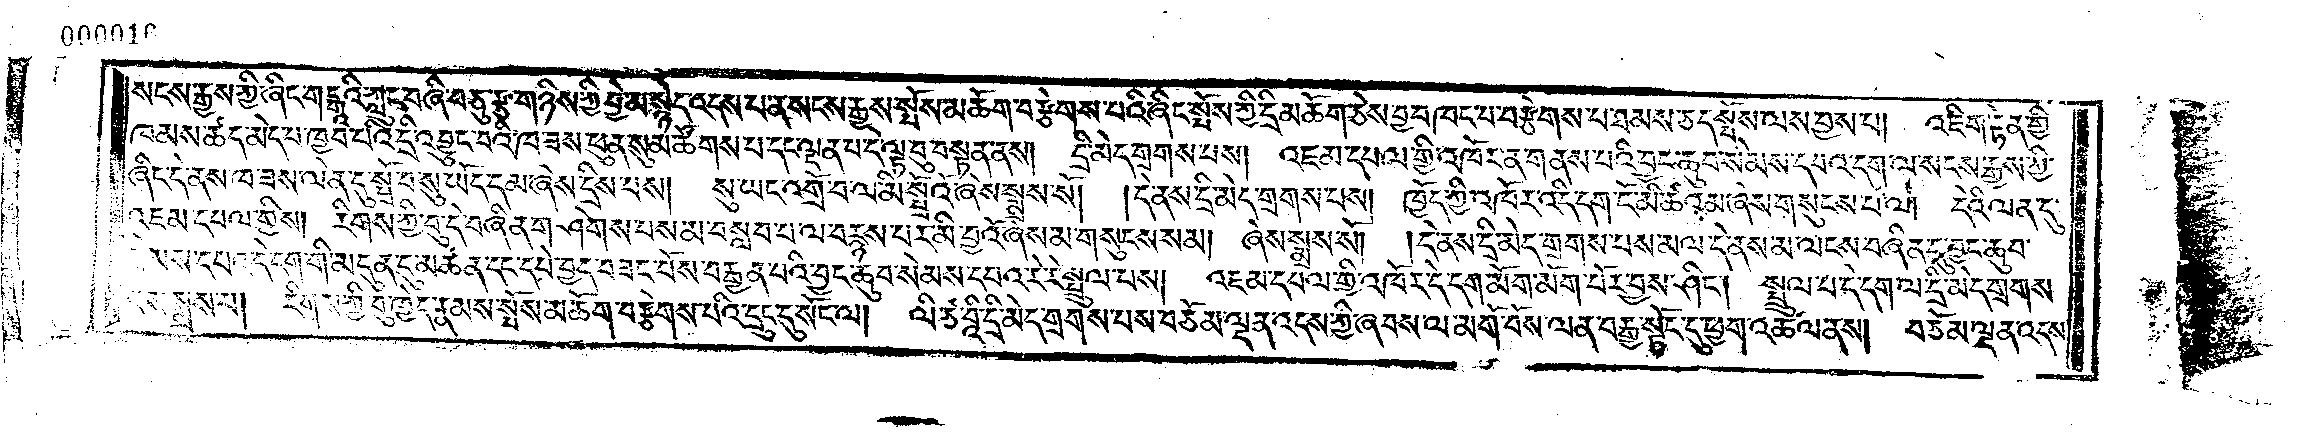སངས་རྒྱས་ཀྱི་ཞིང་གངྒཱའི་ཀླུང་བཞི་བཅུ་རྩ་གཉིས་ཀྱི་བྱེ་མ་སྙེད་འདས་པ་ན་སངས་རྒྱས་སྤོས་མཆོག་བརྩེགས་བའི་ཞིང་སྤོས་ཀྱི་དྲི་མཆོག་ཅེས་བྱ་བ་ཁང་པ་བརྩེགས་པ་ཐམས་ཅད་སྤོས་ལས་བྱས་པ། འཇིག་རྟེན་གྱི་
ཁམས་ཚད་མེད་པ་ཁྱབ་པའི་དྲི་འབྱུང་བའི་ཁ་ཟས་ཕུན་སུམ་ཚོགས་པ་དང་ལྡན་པ་དེ་ལྟ་བུ་བསྟན་ནས། དྲི་མེད་གྲགས་པས། འཇམ་དཔལ་གྱི་འཁོར་ན་གནས་པའི་བྱང་ཆུབ་སེམས་དཔའ་དག་ལ་སངས་རྒྱས་ཀྱི་
ཞིང་དེ་ནས་ཁ་ཟས་ལེན་དུ་སྤྲོ་བ་སུ་ཡོད་དམ་ཞེས་དྲིས་པས། སུ་ཡང་འགྲོ་བ་ལ་མི་སྤྲོའོ་ཞེས་སྨྲས་སོ། །དེ་ནས་དྲི་མེད་གྲགས་པས། ཁྱོད་ཀྱི་འཁོར་འདི་དག་ངོ་མི་ཚའམ་ཞེས་གསུངས་པ་ལ། དེའི་ལན་དུ་
འཇམ་དཔལ་གྱིས། རིགས་ཀྱི་བུ་དེ་བཞིན་གཤེགས་པས་མ་བསླབ་པ་ལ་བརྙས་པར་མི་བྱའོ་ཞེས་མ་གསུངས་སམ། ཞེས་སྨྲས་སོ། །དེ་ནས་དྲི་མེད་གྲགས་པས་མལ་དེ་ནས་མ་ལངས་བཞིན་དུ་བྱང་ཆུབ་
སེམས་དཔའ་དེ་དག་གི་མདུན་དུ་མཚན་དང་དཔེ་བྱད་བཟང་པོས་བརྒྱན་པའི་བྱང་ཆུབ་སེམས་དཔའ་རེ་རེ་སྤྲུལ་པས། འཇམ་དཔལ་གྱི་འཁོར་དེ་དག་མོག་མོག་བོར་བྱས་ཤིང་། སྤྲུལ་པ་དེ་དག་ལ་དྲི་མེད་གྲགས་
པས་སྨྲས་པ། རིགས་ཀྱི་བུ་ཁྱེད་རྣམས་སྤོས་མཆོག་བརྩེགས་པའི་དྲུང་དུ་སོང་ལ། ལི་ཙ་བཱི་དྲི་མེད་གྲགས་པས་བཅོམ་ལྡན་འདས་ཀྱི་ཞབས་ལ་མགོ་བོས་ལན་བརྒྱ་སྟོང་དུ་ཕྱག་འཚལ་ནས། བཅོམ་ལྡན་འདས་